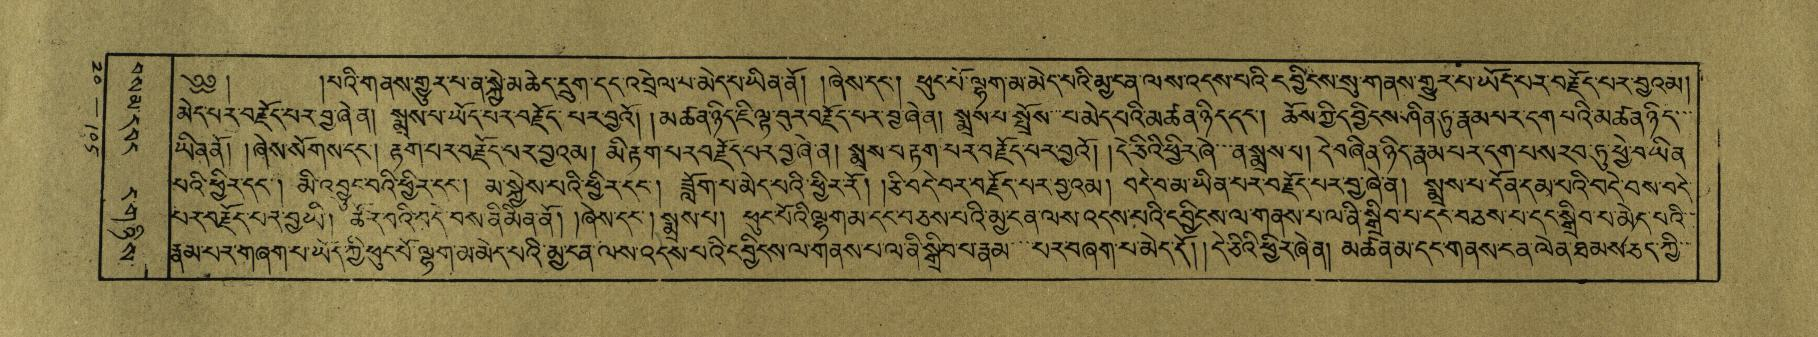༄༅། །པའི་གནས་གྱུར་པ་ན་སྐྱེ་མཆེད་དྲུག་དང་འབྲེལ་པ་མེད་པ་ཡིན་ནོ། །ཞེས་དང་། ཕུང་པོ་ལྷག་མ་མེད་པའི་མྱ་ངན་ལས་འདས་པའི་དབྱིངས་སུ་གནས་གྱུར་པ་ཡོད་པར་བརྗོད་པར་བྱའམ།
མེད་པར་བརྗོད་པར་བྱ་ཞེ་ན། སྨྲས་པ་ཡོད་པར་བརྗོད་པར་བྱའོ། །མཚན་ཉིད་ཇི་ལྟ་བུར་བརྗོད་པར་བྱ་ཞེ་ན། སྨྲས་པ་སྤྲོས་པ་མེད་པའི་མཚན་ཉིད་དང་། ཆོས་ཀྱི་དབྱིངས་ཤིན་ཏུ་རྣམ་པར་དག་པའི་མཚན་ཉིད་
ཡིན་ནོ། །ཞེས་སོགས་དང་། རྟག་པར་བརྗོད་པར་བྱའམ། མི་རྟག་པར་བརྗོད་པར་བྱ་ཞེ་ན། སྨྲས་པ་རྟག་པར་བརྗོད་པར་བྱའོ། །དེ་ཅིའི་ཕྱིར་ཞེ་ན་སྨྲས་པ། དེ་བཞིན་ཉིད་རྣམ་པར་དག་པས་རབ་ཏུ་ཕྱེ་བ་ཡིན་
པའི་ཕྱིར་དང་། མི་འབྱུང་བའི་ཕྱིར་དང་། མ་སྐྱེས་པའི་ཕྱིར་དང་། ཟློག་པ་མེད་པའི་ཕྱིར་རོ། །ཅི་བདེ་བར་བརྗོད་པར་བྱ་འམ། བདེ་བ་མ་ཡིན་པར་བརྗོད་པར་བྱ་ཞེ་ན། སྨྲས་པ་དོན་དམ་པའི་བདེ་བས་བདེ་
པར་བརྗོད་པར་བྱ་ཡི། ཚོར་བའི་བདེ་བས་ནི་མིན་ནོ། །ཞེས་དང་། སྨྲས་པ། ཕུང་པོའི་ལྷག་མ་དང་བཅས་པའི་མྱ་ངན་ལས་འདས་པའི་དབྱིངས་ལ་གནས་པ་ལ་ནི་སྒྲིབ་པ་དང་བཅས་པ་དང་སྒྲིབ་པ་མེད་པའི་
རྣམ་པར་གཞག་པ་ཡོད་ཀྱི་ཕུང་པོ་ལྷག་མ་མེད་པའི་མྱ་ངན་ལས་འདས་པའི་དབྱིངས་ལ་གནས་པ་ལ་ནི་སྒྲིབ་པ་རྣམ་པར་བཞག་པ་མེད་དོ། །དེ་ཅིའི་ཕྱིར་ཞེ་ན། མཚན་མ་དང་གནས་ངན་ལེན་ཐམས་ཅད་ཀྱི་